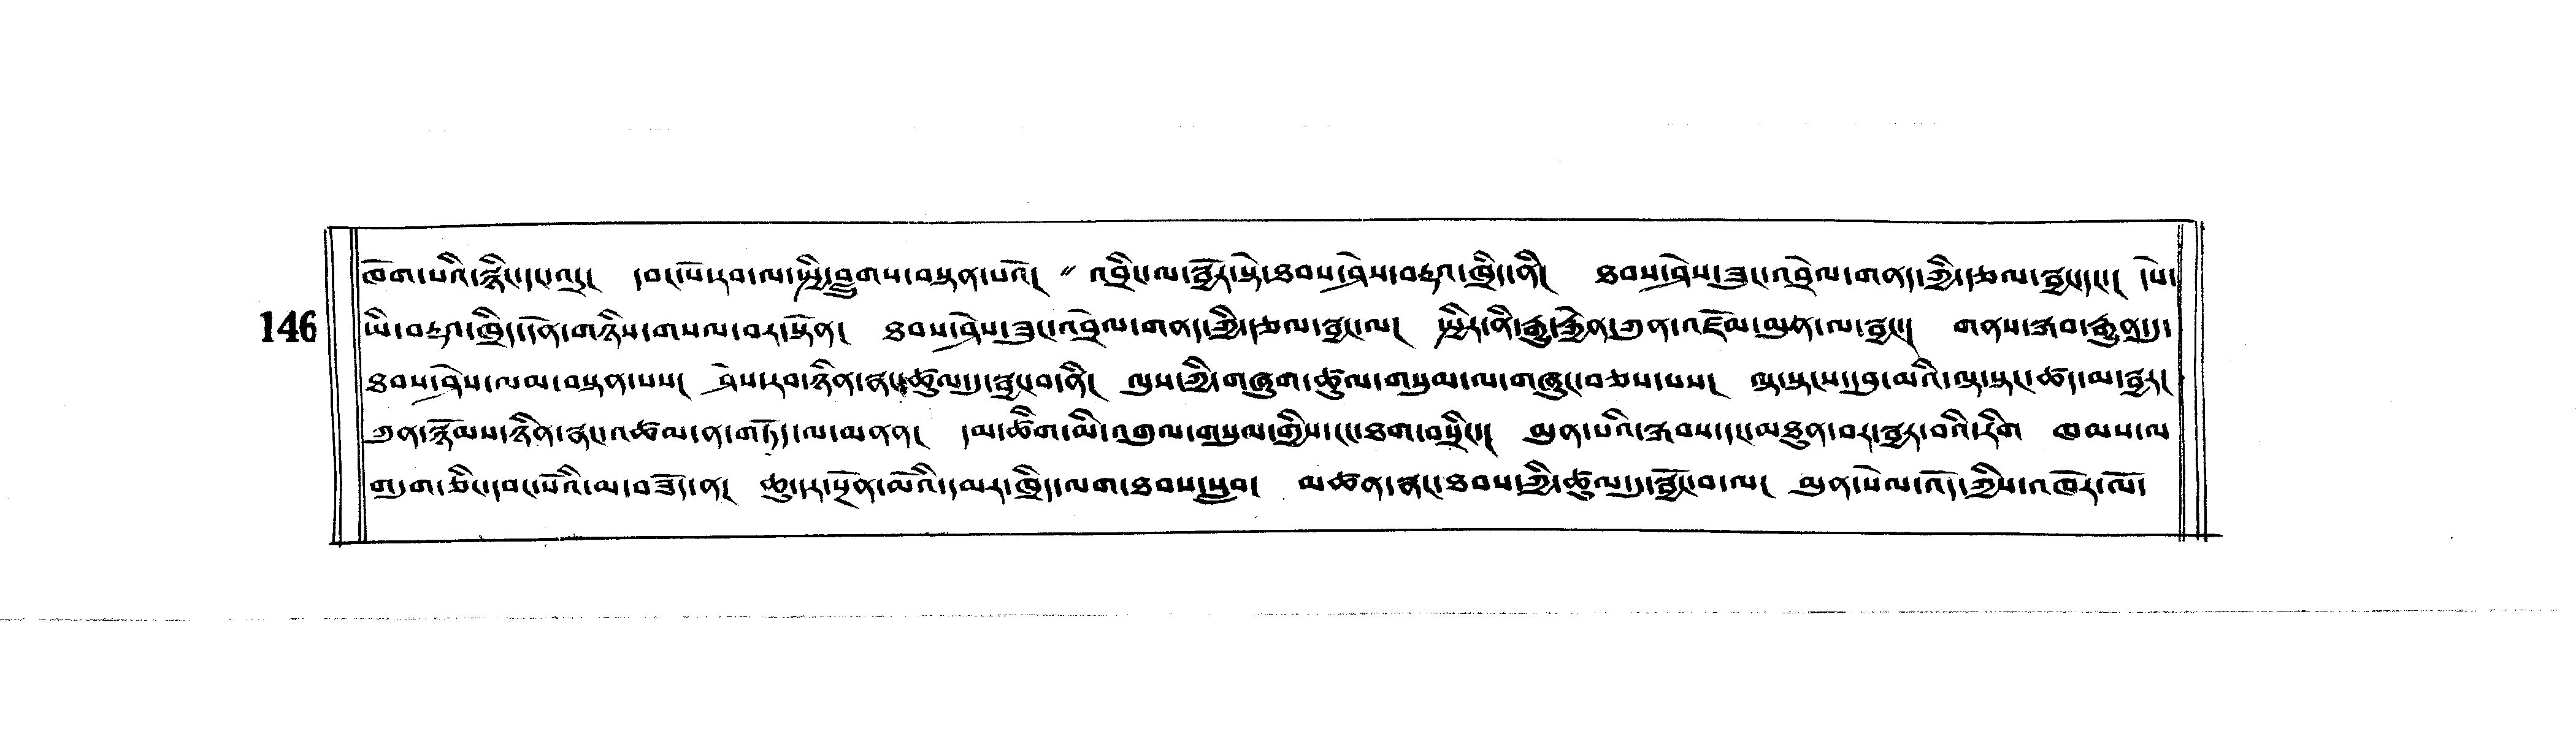ཁོག་པའི་སྙིང་དང་འདྲ། དབང་པོ་རབ་ལ་སྤྱི་བླུགས་བསྟན་པའོ། ༧ འབྲིང་ལ་སྦྱོར་ཏེ་ཐབས་ཤེས་བརྡ་ཁྲིད་ནི། ཐབས་ཤེས་ཟུང་འབྲེལ་གནད་ཀྱི་རྩལ་སྦྱངས་དང་། དཔེ་
ཡི་བརྡ་ཁྲིད་དོན་གཉིས་གསལ་བར་སྟོན། ཐབས་ཤེས་ཟུང་འབྲེལ་གནད་ཀྱི་རྩལ་སྦྱངས་ལ། སྤྱིར་ནི་རྒྱུ་རྐྱེན་ཀུན་འཛོམས་མུན་ལ་སྦྱངས། གནས་སྐབས་རྒྱུན་དུ་
ཐབས་ཤེས་ལམ་བསྟན་པས། ཤེས་རབ་ཉིན་སྣང་ཚུལ་དུ་སྦྱངས་པ་ནི། ལུས་ཀྱི་གཞུག་ཚུལ་གསུམ་ལ་གཞུང་བཅས་པས། ལྟ་སྟངས་དབུ་མའི་ལྟ་སྟངས་ཚད་ལ་སྦྱར། 
ཀུན་སྙོམས་ཉིན་སྣང་མཚམས་ལ་གཏོད་ལ་མནན། དམ་ཚིག་མི་འགུལ་གསུམ་གྱིས་ངང་ཐག་བསྲིང་། མུན་པའི་སྐབས་དང་མཐུན་པའི་སྦྱར་བའི་རིགས། ཁམས་ལ་
གདུག་ཅིང་དབང་པོའི་མ་བཟོད་ན། ཆུ་དར་སྔོན་མོའི་དམར་ཁྲིད་ལག་ཐབས་བསླབས། མཚན་སྣང་ཐབས་ཀྱི་ཚུལ་དུ་སྦྱང་བ་ལ། མུན་སེལ་འོད་ཀྱི་འཁོར་ལོ་